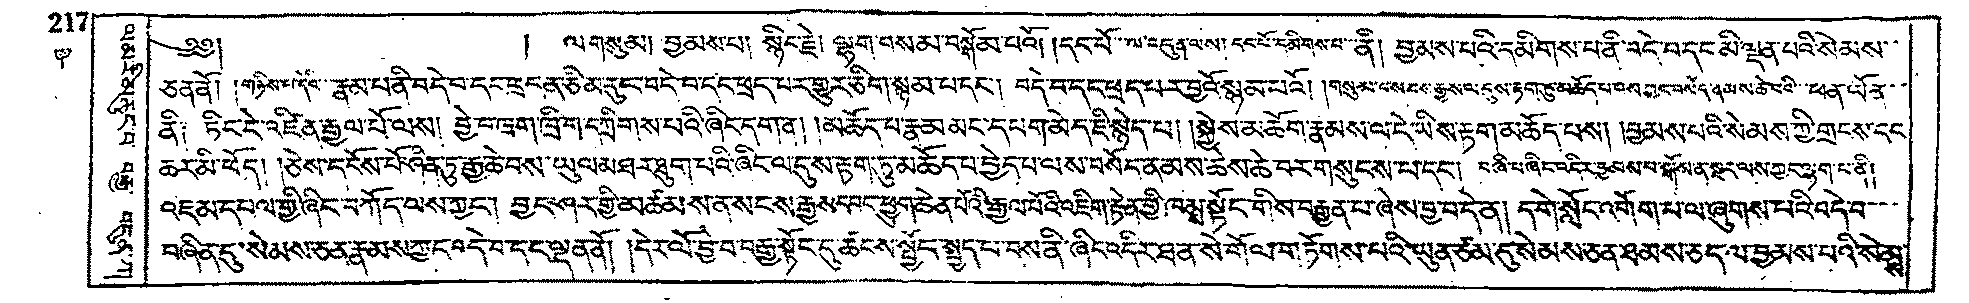༄༅། །ལ་གསུམ། བྱམས་པ། སྙིང་རྗེ། ལྷག་བསམ་བསྒོམ་པའོ། །དང་པོ་ལ་བདུན་ལས། དང་པོ་དམིགས་པ་ནི། བྱམས་པའི་དམིགས་པ་ནི་བདེ་བ་དང་མི་ལྡན་པའི་སེམས་
ཅན་ནོ། །གཉིས་པ་དེའི་རྣམ་པ་ནི་བདེ་བ་དང་ཕྲད་ན་ཅིམ་རུང་བདེ་བ་དང་ཕྲད་པར་གྱུར་ཅིག་སྙམ་པ་དང་། བདེ་བ་དང་ཕྲད་པར་བྱའོ་སྙམ་པའོ། །གསུམ་པ་སངས་རྒྱས་ལ་དུས་རྟག་ཏུ་མཆོད་པ་བས་ཀྱང་བསོད་ནམས་ཆེ་བའི་ཕན་ཡོན་
ནི༑ ཏིང་ངེ་འཛིན་རྒྱལ་པོ་ལས། བྱེ་བ་ཁྲག་ཁྲིག་དཀྲིགས་པའི་ཞིང་དག་ན། །མཆོད་པ་རྣམ་མང་དཔག་མེད་ཇི་སྙེད་པ། །སྐྱེས་མཆོག་རྣམས་ལ་དེ་ཡིས་རྟག་མཆོད་པས། །བྱམས་པའི་སེམས་ཀྱི་གྲངས་དང་
ཆར་མི་ཕོད། །ཅེས་དངོས་པོ་ཤིན་ཏུ་རྒྱ་ཆེ་བས་ཡུལ་མཐར་ཐུག་པའི་ཞིང་ལ་དུས་རྟག་ཏུ་མཆོད་པ་བྱེད་པ་ལས་བསོད་ནམས་ཆེས་ཆེ་བར་གསུངས་པ་དང་། བཞི་པ་ཞིང་འདིར་བྱམས་པ་སྒོམ་ན་སྔར་ལས་ཀྱང་ལྷག་པ་ནི།
འཇམ་དཔལ་གྱི་ཞིང་བཀོད་ལས་ཀྱང་། བྱང་ཤར་གྱི་མཚམས་ན་སངས་རྒྱས་དབང་ཕྱུག་ཆེན་པོའི་རྒྱལ་པོའི་འཇིག་རྟེན་གྱི་ཁམས་སྟོང་གིས་བརྒྱན་པ་ཞེས་བྱ་བ་དེ་ན། དགེ་སློང་འགོག་པ་ལ་ཞུགས་པའི་བདེ་བ་
བཞིན་དུ་སེམས་ཅན་རྣམས་ཀྱང་བདེ་བ་དང་ལྡན་ནོ། །དེར་ལོ་བྱེ་བ་བརྒྱ་སྟོང་དུ་ཚངས་སྤྱོད་སྤྱད་པ་བས་ནི་ཞིང་འདིར་ཐ་ན་སེ་གོལ་གཏོགས་པའི་ཡུལ་ཙམ་དུ་སེམས་ཅན་ཐམས་ཅད་ལ་བྱམས་པའི་སེམས་